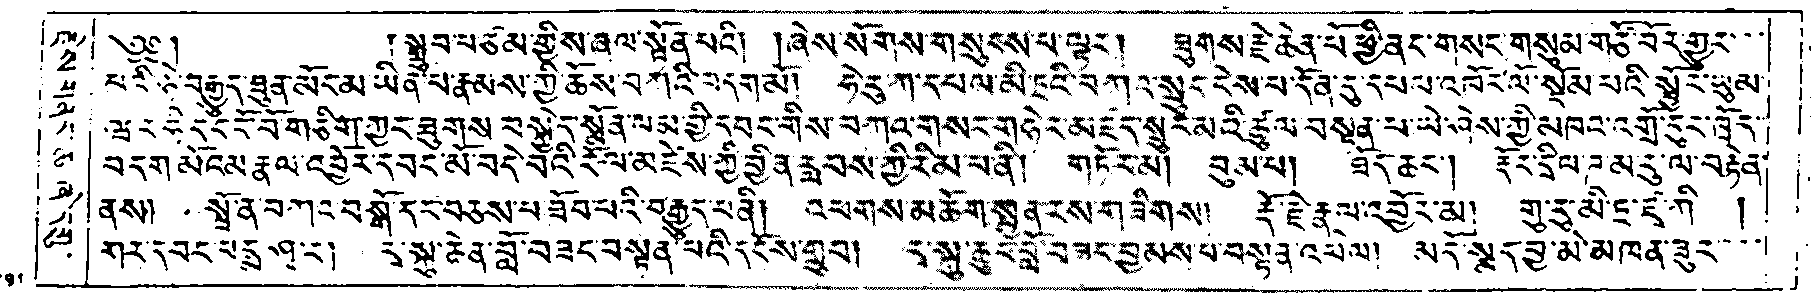༄༅། །སྒྲུབ་པ་ཙམ་གྱིས་ཞལ་སྟོན་པའི། །ཞེས་སོགས་གསུངས་པ་ལྟར། ཐུགས་རྗེ་ཆེན་པོ་ཕྱི་ནང་གསང་གསུམ་གཙོ་བོར་གྱུར་
པའི་ཉེ་བརྒྱུད་ཐུན་མོང་མ་ཡིན་པ་རྣམས་ཀྱི་ཆོས་བཀའི་བདག་མོ། ཧེ་རུ་ཀ་དཔལ་མི་ཏྲའི་བཀའ་སྲུང་ངེས་པ་དོན་དུ་དཔལ་འཁོར་ལོ་སྡོམ་པའི་སྦྱོར་ཡུམ་
ཝ་ར་ཧི་དང་ངོ་བོ་གཅིག་ཀྱང་ཐུགས་བསྐྱེད་སྨོན་ལམ་གྱི་དབང་གིས་བཀའ་གསང་གཉེར་མཛད་སྲུང་མའི་ཚུལ་བསྟན་པ་ཡེ་ཤེས་ཀྱི་མཁའ་འགྲོ་དུར་ཁྲོད་
བདག་མོའམ་རྣལ་འབྱོར་དབང་མོ་བདེ་བའི་རོལ་མཛེས་ཀྱི་བྱིན་རླབས་ཀྱི་རིམ་པ་ནི། གཏོར་མ། བུམ་པ། ཐོད་ཆང་། རྡོར་དྲིལ་ཌ་མ་རུ་ལ་བརྟེན་
ནས། སྤྲོ་ན་བཀའ་བསྒོ་དང་བཅས་པ་ཐོབ་པའི་བརྒྱུད་པ་ནི། འཕགས་མཆོག་སྤྱན་རས་གཟིགས། རྡོ་རྗེ་རྣལ་འབྱོར་མ། གུ་རུ་མི་ཏྲ་ཛྭ་ཀི །
གར་དབང་པདམ་ཤྭ་ར། རྭ་སྐུ་ཆེན་བློ་བཟང་བསྟན་པའི་དངོས་གྲུབ། རྭ་སྐུ་ཆུང་བློ་བཟང་བྱམས་པ་བསྟན་འཕེལ། མདོ་སྨད་བྱ་མེ་མཁན་ཟུར་